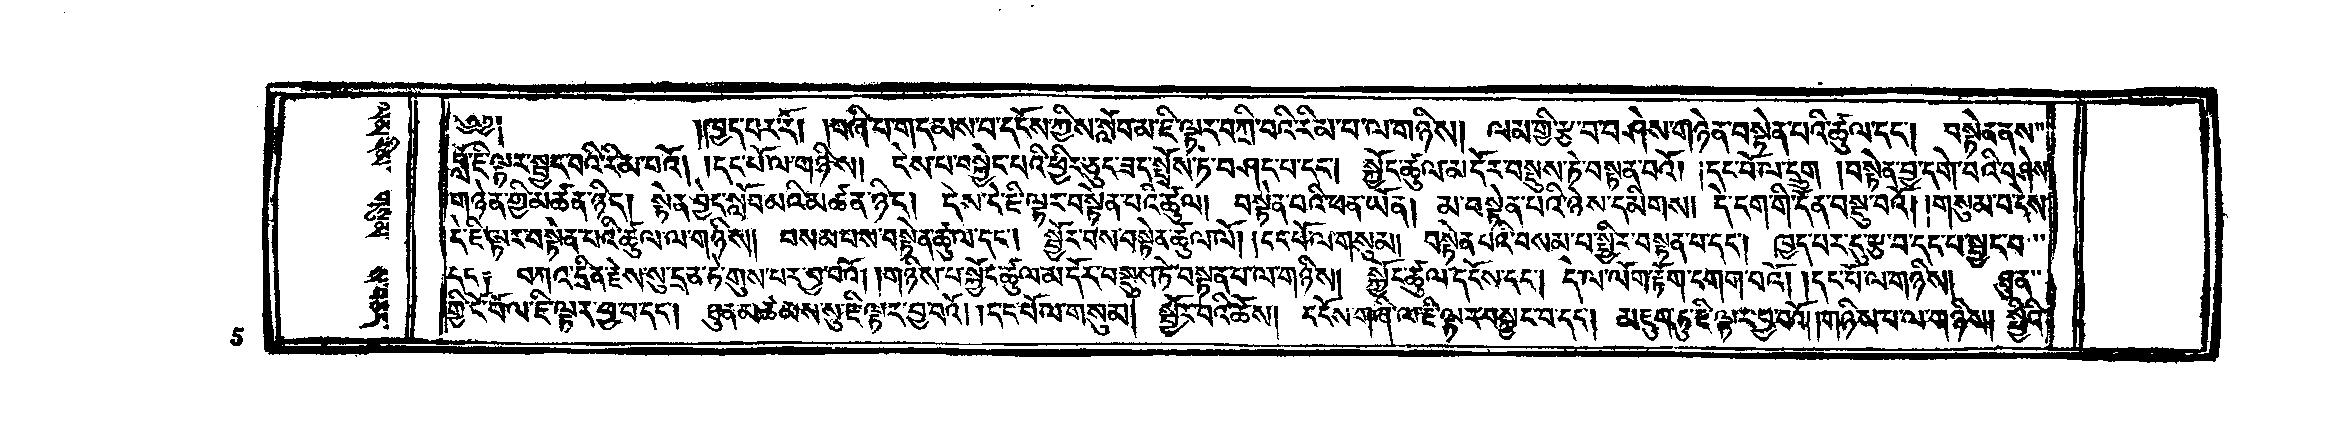༄༅། །ཁྱད་པར་རོ། །བཞི་པ་གདམས་པ་དངོས་ཀྱིས་སློབ་མ་ཇི་ལྟར་བཀྲི་བའི་རིམ་པ་ལ་གཉིས། ལམ་གྱི་རྩ་བ་བཤེས་གཉེན་བསྟེན་པའི་ཚུལ་དང་། བསྟེན་ནས་
བློ་ཇི་ལྟར་སྦྱང་བའི་རིམ་པའོ། །དང་པོ་ལ་གཉིས། ངེས་པ་བསྐྱེད་པའི་ཕྱིར་ཅུང་ཟད་སྤྲོས་ཏེ་བཤད་པ་དང་། སྐྱོང་ཚུལ་མདོར་བསྡུས་ཏེ་བསྟན་པའོ། །དང་པོ་ལ་དྲུག །བསྟེན་བྱ་དགེ་བའི་བཤེས་
གཉེན་གྱི་མཚན་ཉིད། སྟེན་བྱེད་སློབ་མའི་མཚན་ཉིད། དེས་དེ་ཇི་ལྟར་བསྟེན་པའི་ཚུལ། བསྟེན་པའི་ཕན་ཡོན། མ་བསྟེན་པའི་ཉེས་དམིགས། དེ་དག་གི་དོན་བསྡུ་བའོ། །གསུམ་པ་དེས་
དེ་ཇི་ལྟར་བསྟེན་པའི་ཚུལ་ལ་གཉིས། བསམ་པས་བསྟེན་ཚུལ་དང་། སྦྱོར་བས་བསྟེན་ཚུལ་ལོ། །དང་པོ་ལ་གསུམ། བསྟེན་པའི་བསམ་པ་སྤྱིར་བསྟན་པ་དང་། ཁྱད་པར་དུ་རྩ་བ་དད་པ་སྦྱང་བ་
དང༑ བཀའ་དྲིན་རྗེས་སུ་དྲན་ཏེ་གུས་པར་བྱ་བའོ། །གཉིས་པ་སྐྱོང་?་ཚུལ་མདོར་བསྡུས་ཏེ་བསྟན་པ་ལ་གཉིས། སྐྱོང་ཚུལ་དངོས་དང་། དེ་ལ་ལོག་རྟོག་དགག་པའོ། །དང་པོ་ལ་གཉིས། ཐུན་
གྱི་ངོ་བོ་ལ་ཇི་ལྟར་བྱ་བ་དང་། ཐུན་མཚམས་སུ་ཇི་ལྟར་བྱ་བའོ། །དང་པོ་ལ་གསུམ། སྦྱོར་བའི་ཆོས། དངོས་གཞི་ལ་ཇི་ལྟར་བསྐྱང་བ་དང་། མཇུག་ཏུ་ཇི་ལྟར་བྱ་བའོ། །གཉིས་པ་ལ་གཉིས། སྤྱིའི་